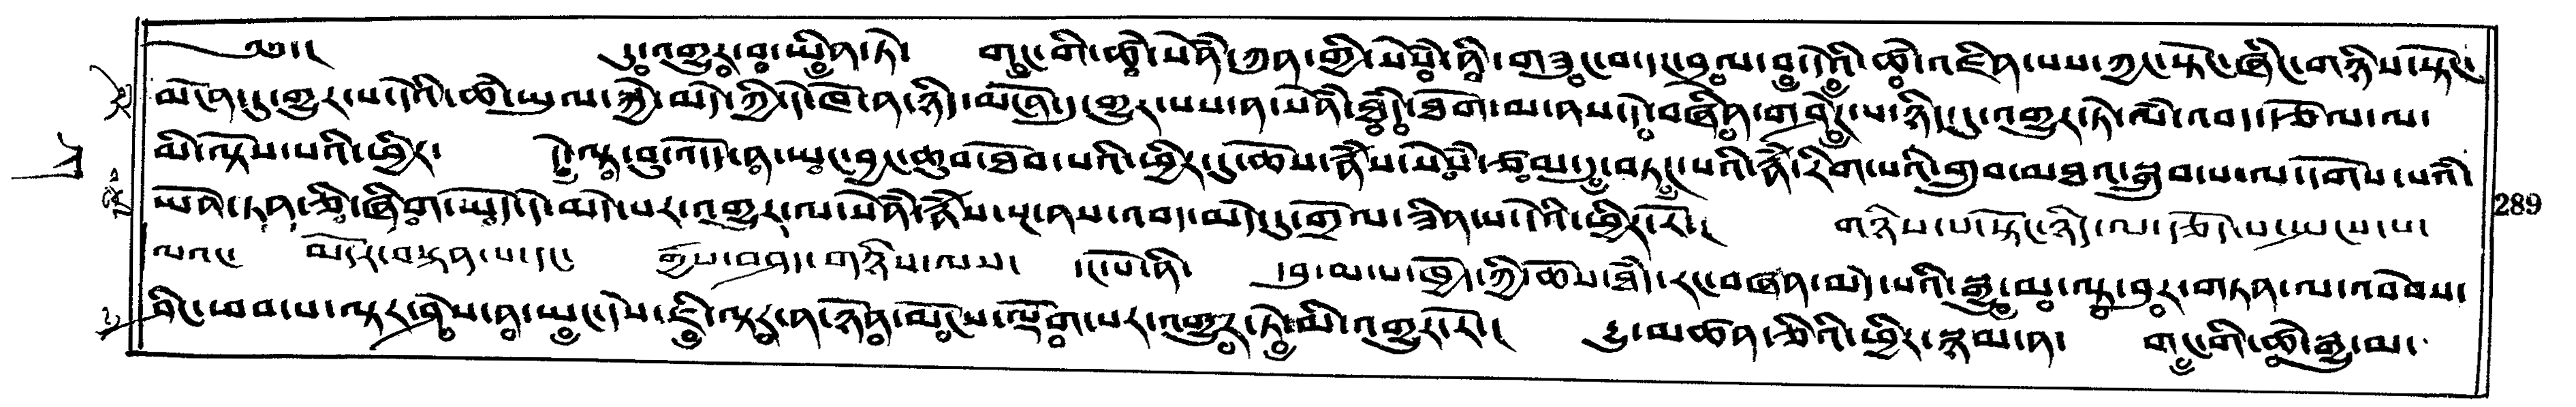དུ་འགྱུར་བ་ཡིན་ཏེ། གང་གི་ཚེ་སེམས་ཅན་ཀུན་ཀྱི་སེམས་ནི་གཟུང་བ་དང་བྲལ་བ་དེའི་ཚེ་འཛིན་པས་ཀྱང་སྟོང་ཞིང་གཉིས་སྟོང་
མངོན་དུ་གྱུར་པ་དེའི་ཚེ་ཡུལ་སྐྱེ་མེད་ཀྱི་དེ་ཁོ་ན་ཉིད་མངོན་དུ་གྱུར་པས་ན་སེམས་ཅན་ཐམས་ཅད་ཐོག་མ་ནས་དེ་བཞིན་གཤེགས་པ་ཉིད་དུ་འགྱུར་ཏེ་ལམ་འབད་རྩོལ་ལ་
མི་ལྟོས་པའི་ཕྱིར། དེ་ལྟ་བུ་འདོད་ན་ཡང་བྱང་ཆུབ་འཐོབ་པའི་ཕྱིར་དུ་ཆོས་རྣམས་སེམས་ཙམ་དུ་བཏགས་པའི་རྣམ་རིག་པའི་གྲུབ་མཐའ་སྒྲུབ་པ་ལ་དགོས་པའམ་
ཡོན་ཏན་ཅི་ཞིག་ཡོད་དེ་མེད་པར་འགྱུར་ལ་སེམས་ཅན་རྣམས་སྔར་ནས་འབད་མེད་དུ་གྲོལ་ཟིན་པ་དེའི་ཕྱིར་རོ།། གཉིས་པ་སྟོང་ཉིད་ལ་རྩོད་པ་སྤོང་བ་
ལའང་། མདོར་བསྟན་པ་དང་། རྒྱས་བཤད་གཉིས་ལས། དང་པོ་ནི། དབུ་མ་པ་ཁྱོད་ཀྱིས་ཆོས་ཐམས་ཅད་རང་བཞིན་མེད་པ་སྒྱུ་མ་ལྟ་བུར་གཏན་ལ་འབེབས་
ཤིང་ཕབ་པ་ལྟར་ཤེས་ན་ཡང་དེས་ཇི་ལྟར་ན་ཉོན་མོངས་ལྡོག་པར་འགྱུར་ཏེ་མི་འགྱུར་རོ།། རྒྱུ་མཚན་ཅིའི་ཕྱིར་སྙམ་ན། གང་གི་ཚེ་སྒྱུ་མ་